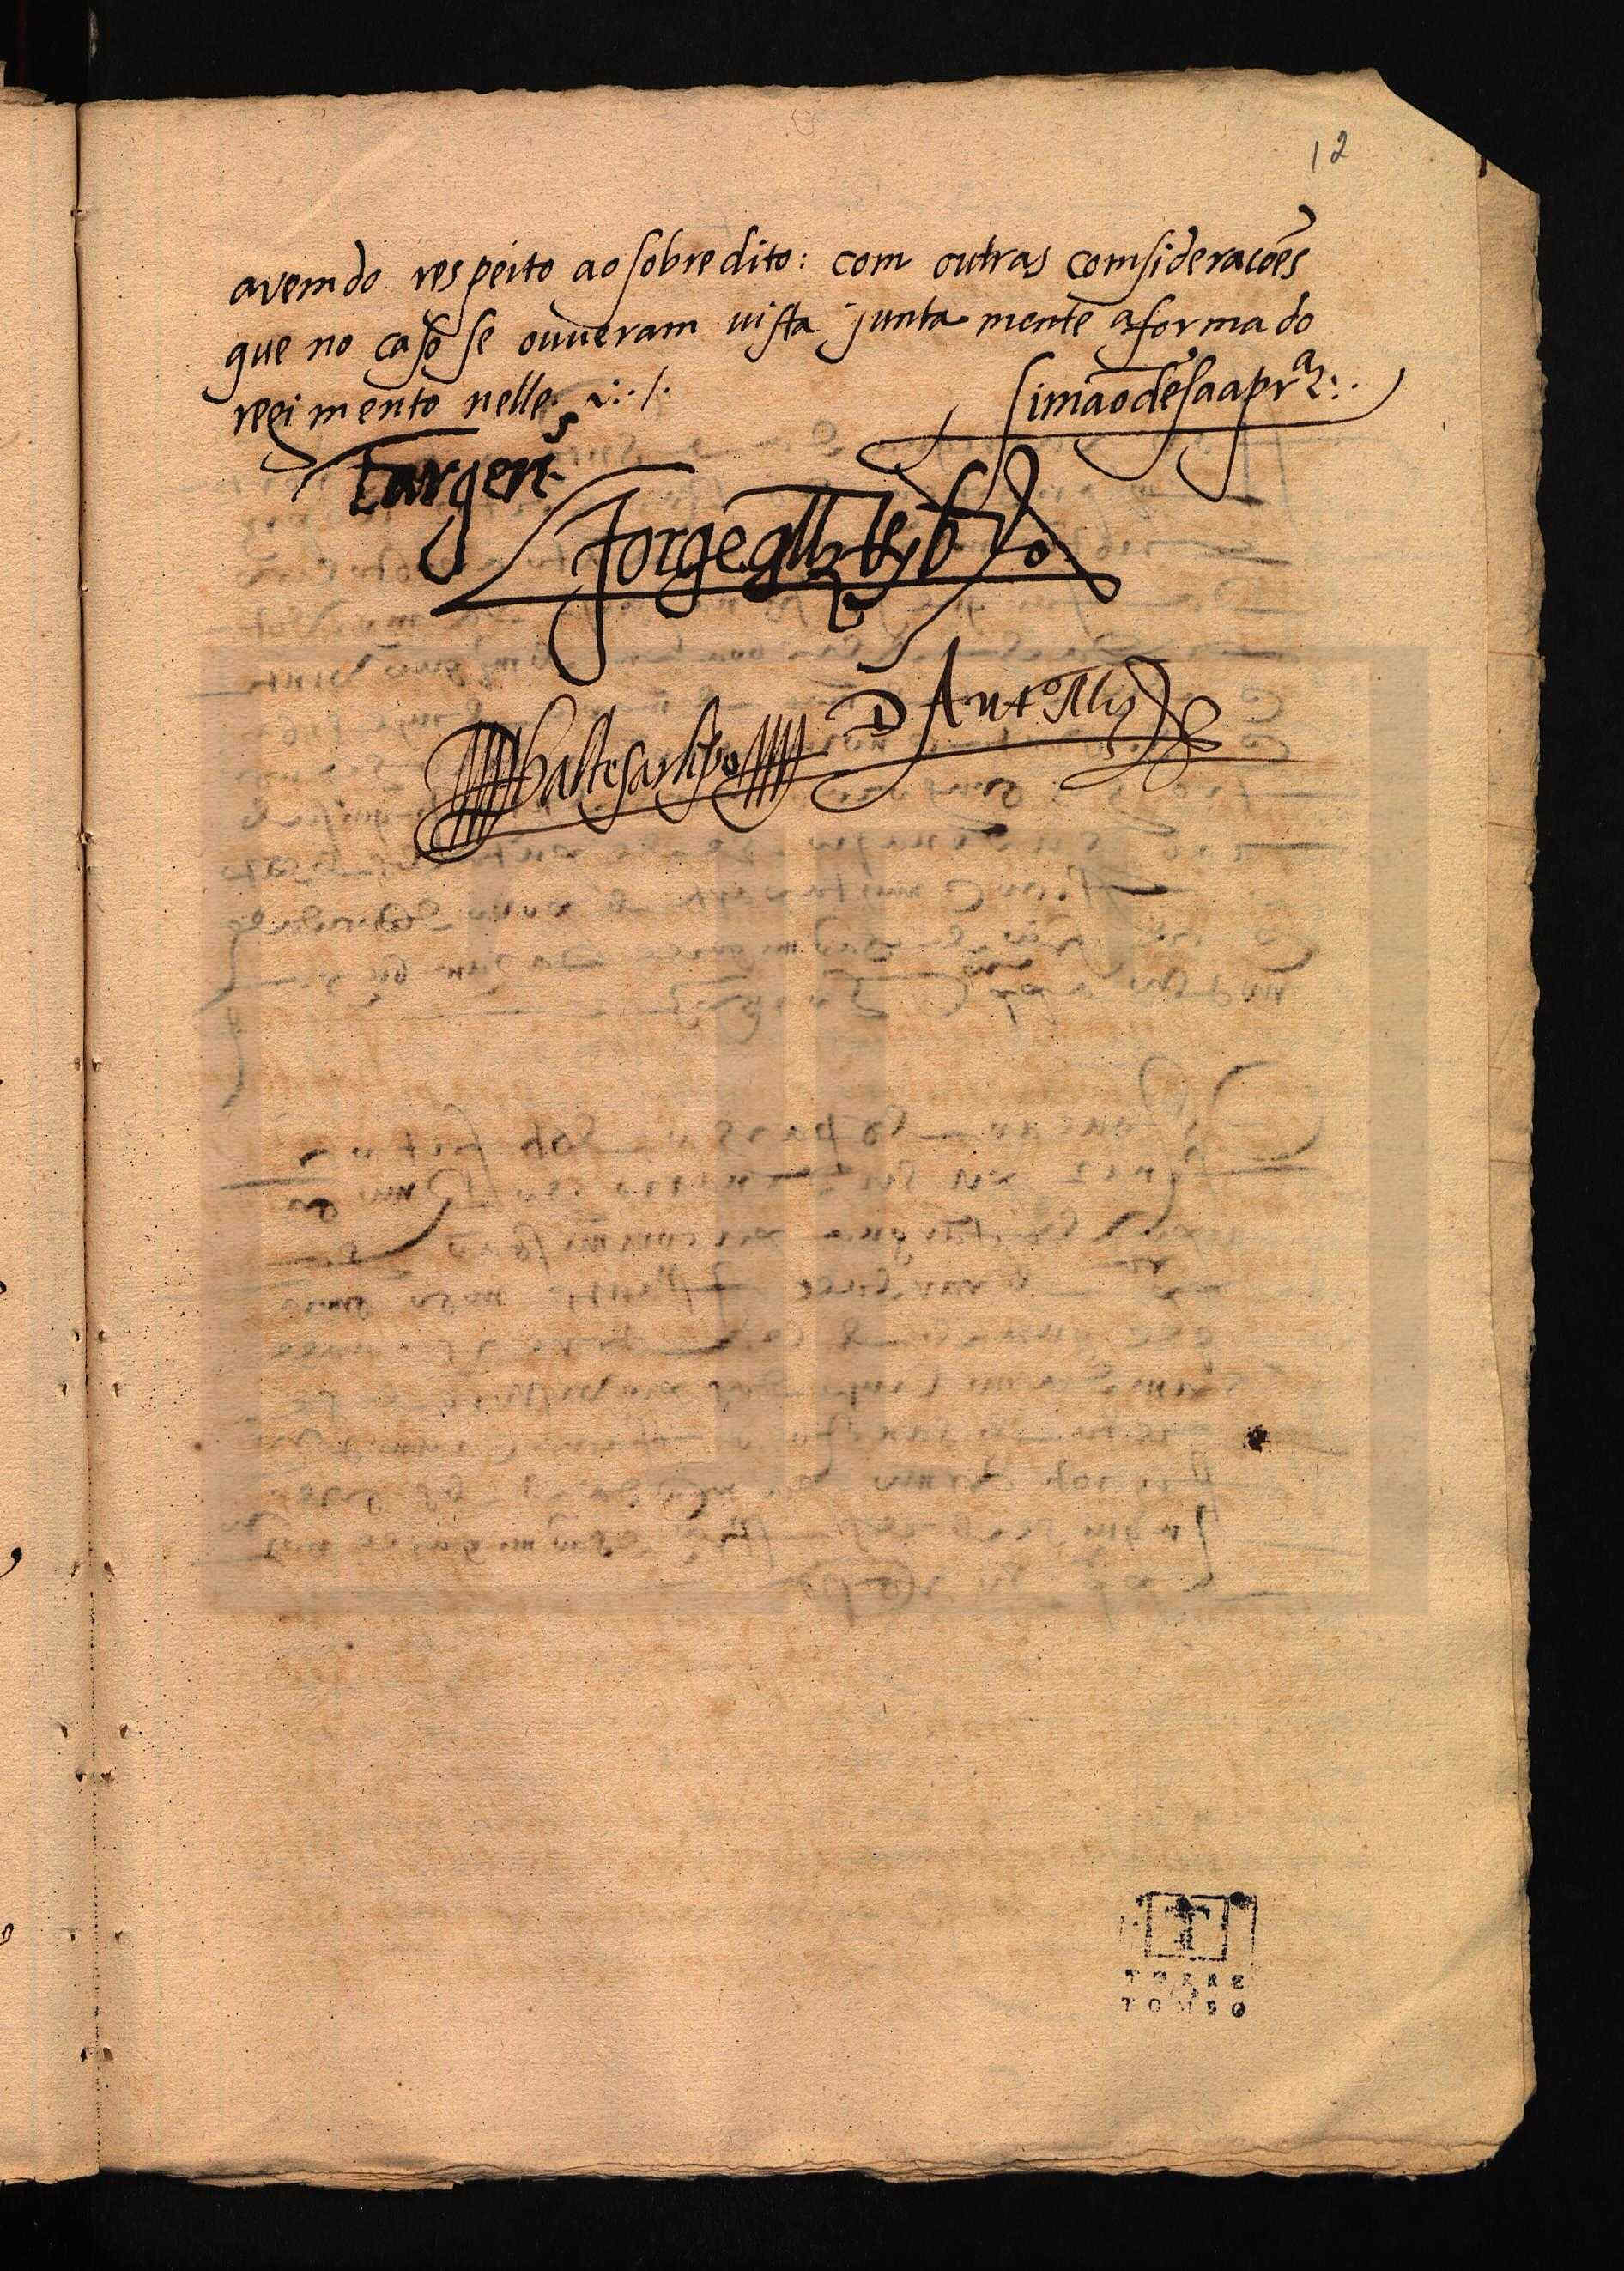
avendo respeito ao sobredito: com outras consideraçoẽs
que no caso se ouueram uista juntamente a forma do
regimento nelle.
